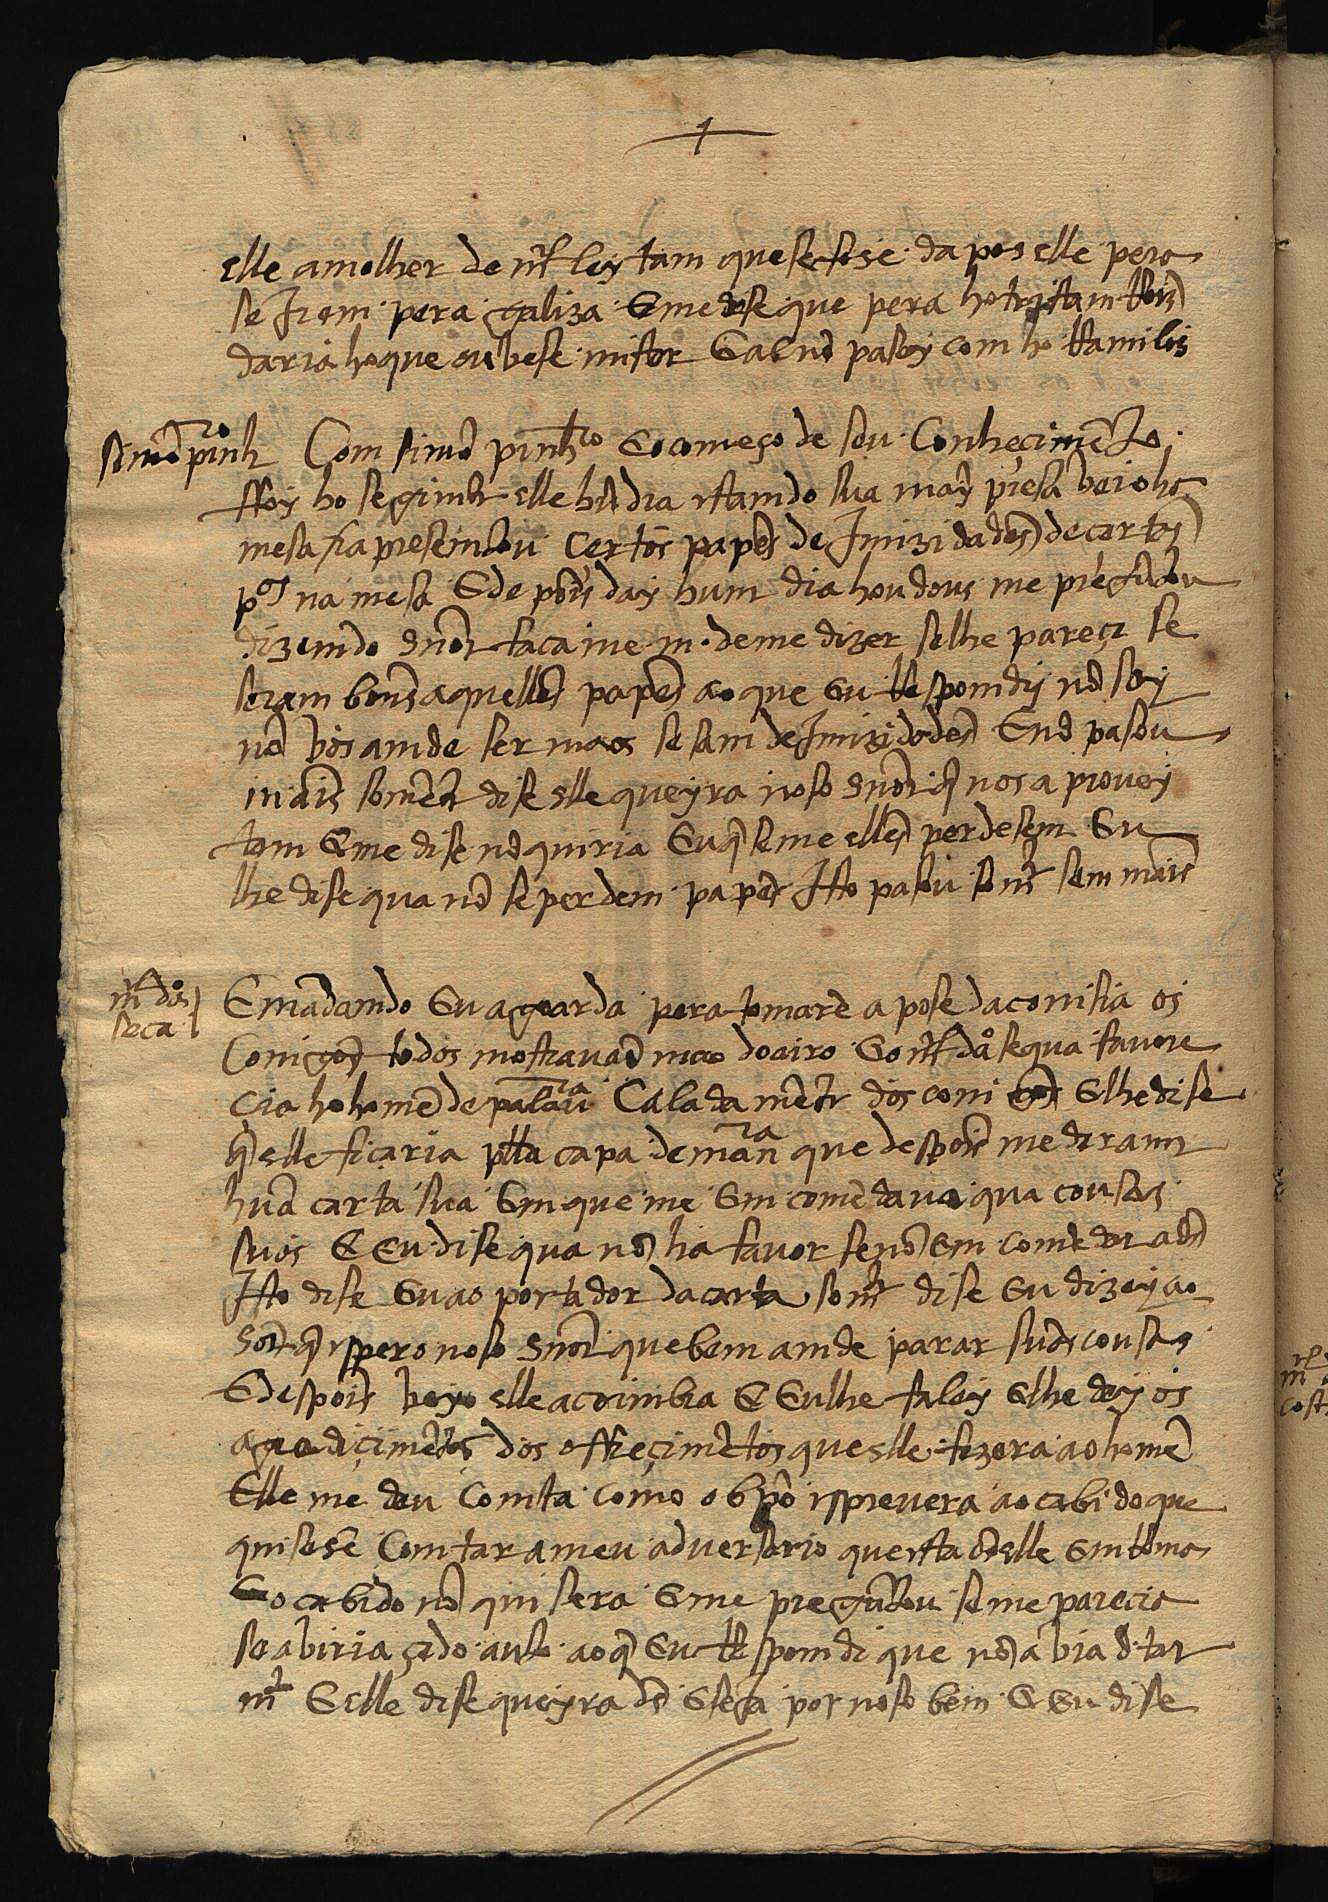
Elle a molher de mel leytam que se fose dapos elle pera
se Jrem pera galiza E me dise que pera ho tristam Roiz̄
daria ho que ouvese mister E al nō pasey com ho Ramiliz
simō pinhro
Com simō pinhro E o começo de seu Conheçimēto
ffoy ho segimte Elle hū dia estamdo sua maỹ presa veio ha
mesa e apresemtou certos papēs de Jmizidades de certas
pas na mesa E depois day hum dia hou dous me pregūtou
dizemdo snōr facame m. de me dizer se lhe pareçe se
seram bons aquelles papēs ao que Eu Respomdij nō sey
nō vos amde ser maos se sam de Jmizidades E nō pasou
mais somēte dise Elle queyra noso snōr q̄ nos aprouey
tem E me dise nō quiria Eu q̄ se me elles perdesem Eu
lhe dise que nō se perdem papēs Jsto pasou somte sem mais
mel dao
seca
E mādamdo Eu a goarda pera tomarē a pose a conisia os
Conigos todos mostrauaõ mao doeiro E o mel daosequa fauore
cia ho homē de palaura Caladamēte dos conigos E lhe dise
q̄ Elle ficaria pll̄a capa de manra que despois me deram
huā carta sua Em que me Emcomēdaua qua cousas
suas E Eu dise qua nō ha fauor senō Emcomēdar a ds̄
Jsto dise Eu ao portador da carta somte dise Eu dizey ao
sor̄ q̄ espero noso Snor̄ que bem amde parar suas cousas
E despois veyo Elle a coimbra E Eu lhe faley E lhe dey os
agradiçimētos dos offreçimētos que Elle fizera ao homē
Elle me deu comta como o bpō espreuera ao cabido que
quisesē comtar a meu aduersario que esta cō Elle em Roma
E o cabido nō quisera E me pregūtou se me parecia
se aviria çedo auto ao q̄ Eu Respomdi que nō avia de tar
mto E Elle dise queyra ds̄ E seJa por noso bem E Eu dise
